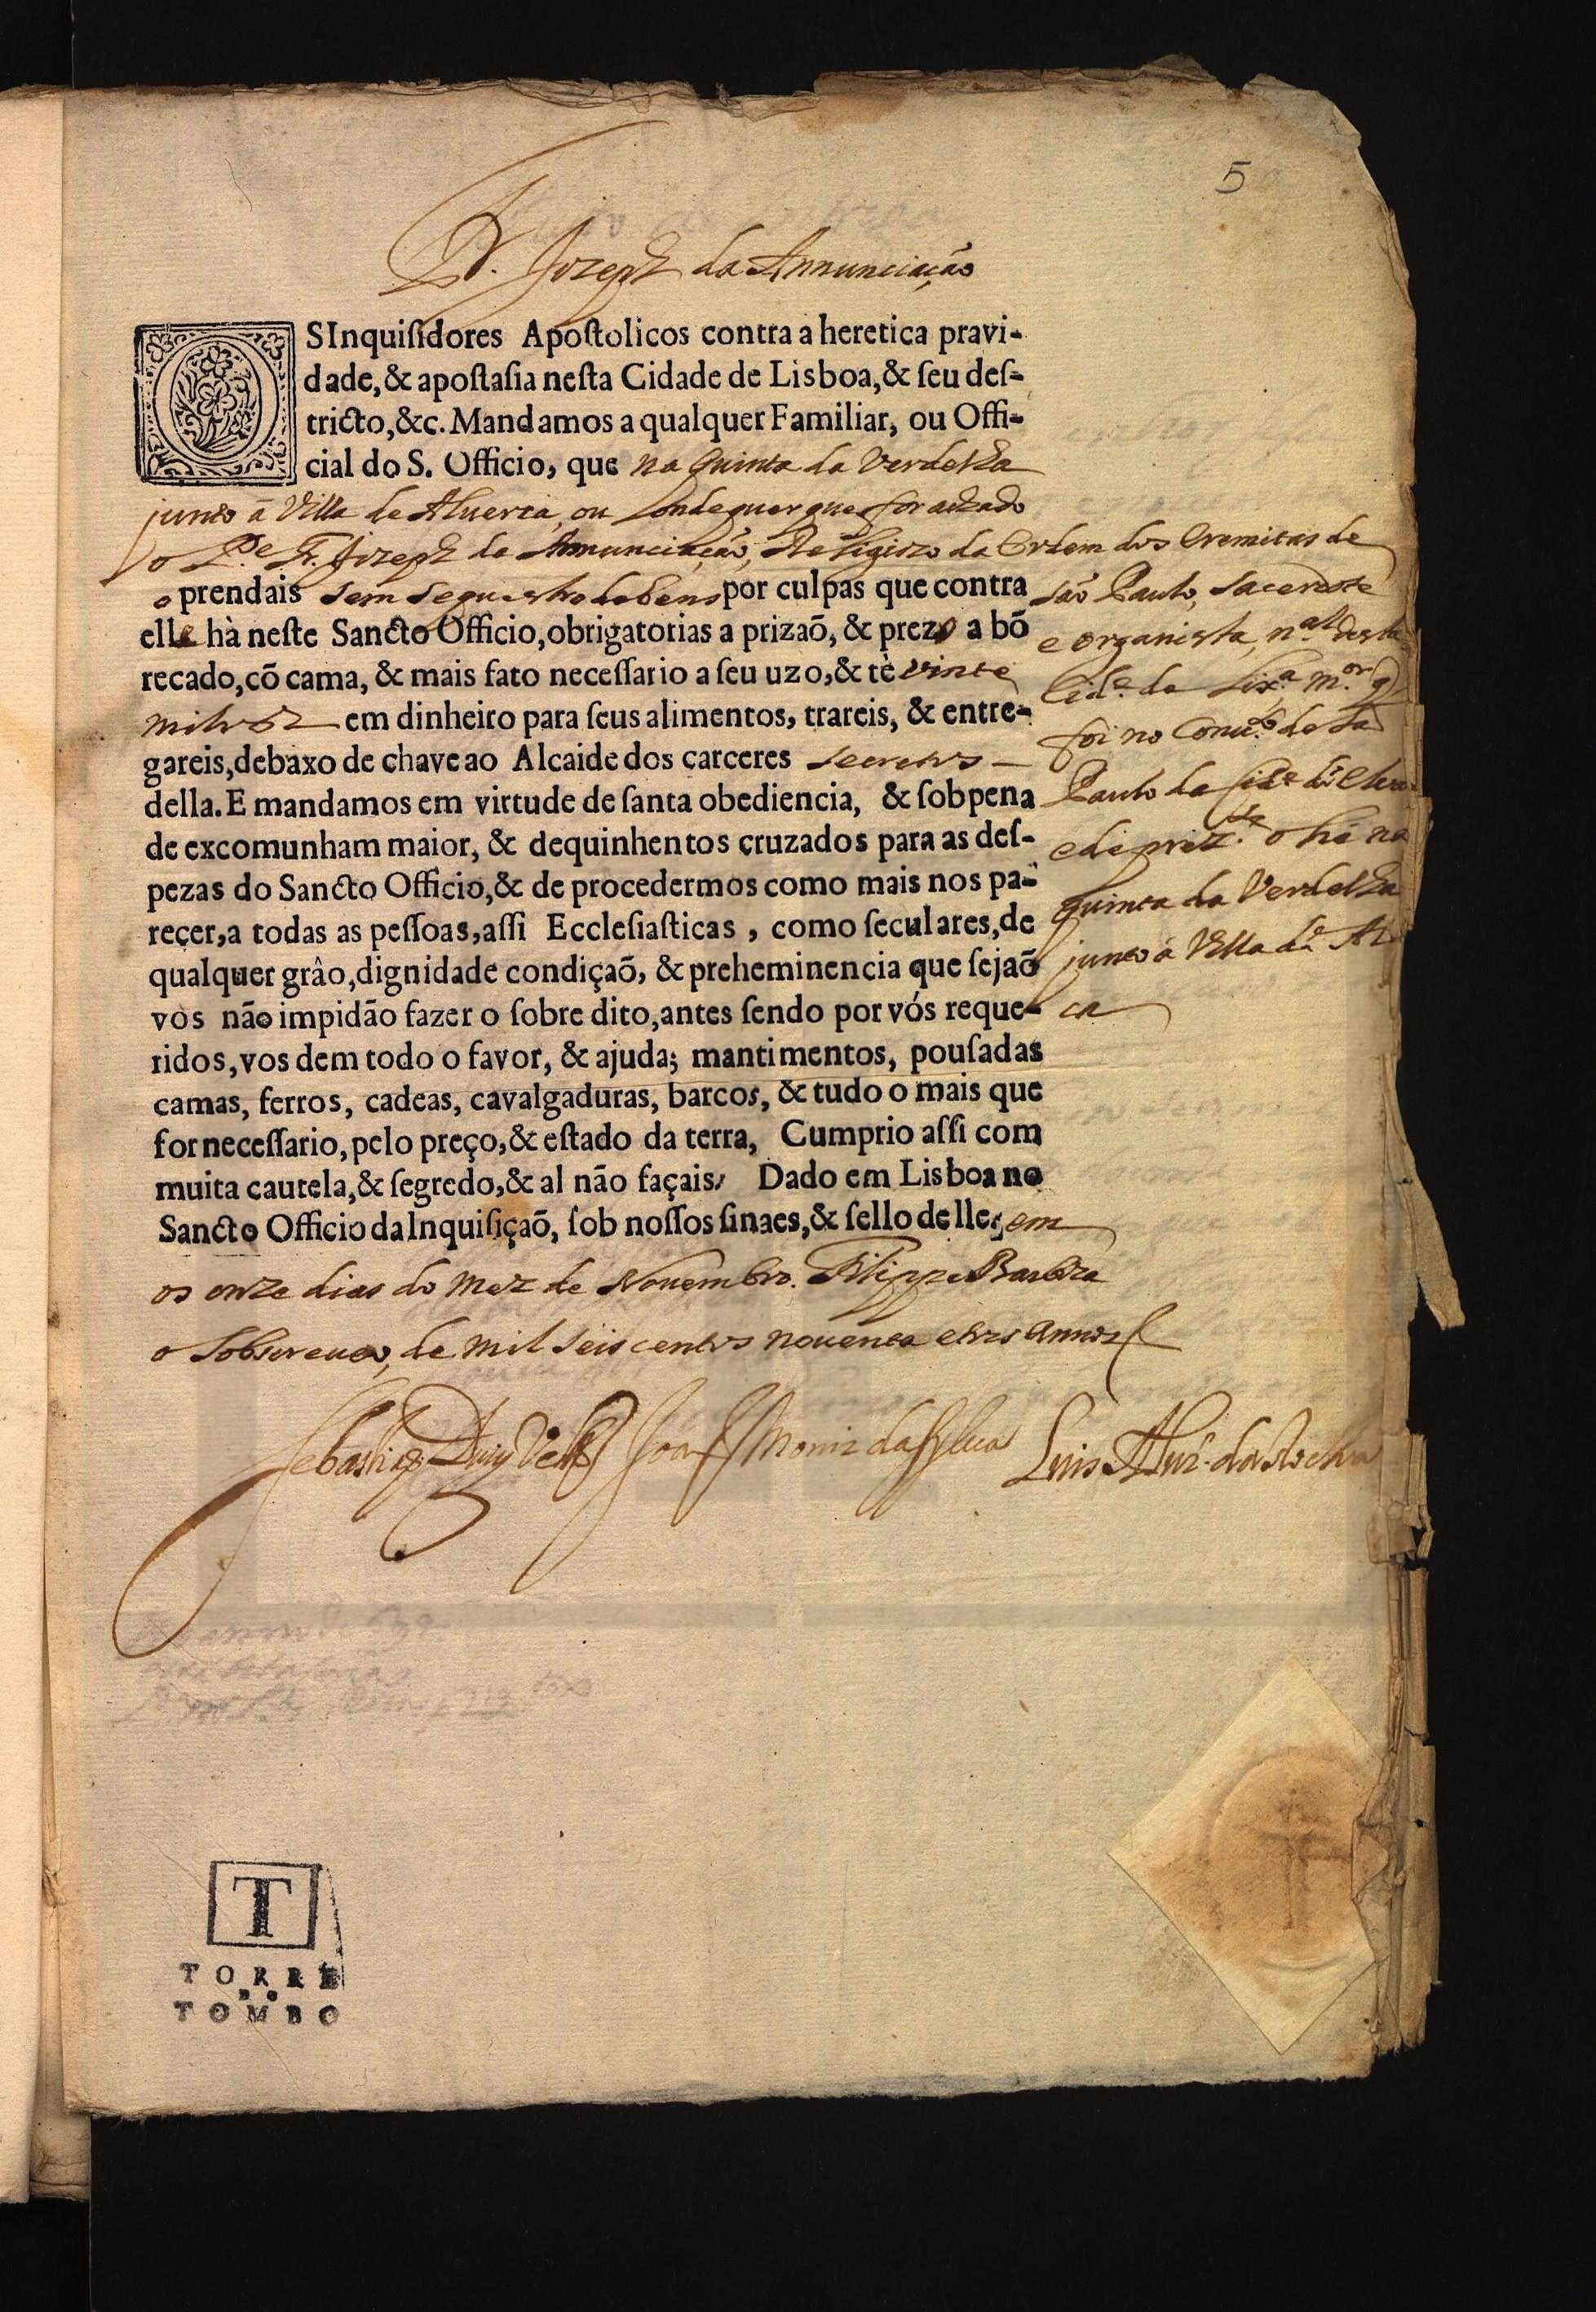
Fr. Jozeph da Annunciação
S Inquisidores Apostolicos contra a heretica pravi
dade, & apostasia nesta Cidade de Lisboa, & seu des
tricto, &c. Mandamos a qualquer Familiar, ou Offi
cial do S. Officio, que na Quinta da Verdelha
junto á Villa de Aluerca, ou onde quer que for achado
o Pe Fr. Jozeph da Annunciaçaõ, Religiozo da Ordem dos Eremitas de
saõ Paulo, sacerdote
e organista, n.al desta
Cid.e de Lix.a m.or q̄
foi no Conu.to de Saõ
Paulo da Cid.e de Elva
e de prez.te o hé na
quinta da Verdelha
junto á Villa de Al
ca
o prendais sem sequestro de bens por culpas que contra
elle hà neste Sancto Officio, obrigatorias a prizaõ, & prezo a bō
recado, cō cama, & mais fato necessario a seu uzo, & tè vinte
mil rs̄ em dinheiro para seus alimentos, trareis, & entre
gareis, debaxo de chave ao Alcaide dos carceres secretos
della. E mandamos em virtude de santa obediencia, & sob pena
de excomunham maior, & de quinhentos cruzados para as des
pezas do Sancto Officio, & de procedermos como mais nos pa
recer, a todas as pessoas, assi Ecclesiasticas, como seculares, de
qualquer grâo, dignidade condiçaõ, & preheminencia que sejaõ
vos não impidão fazer o sobredito, antes sendo por vós reque
ridos, vos dem todo o favor, & ajuda; mantimentos, pousadas
camas, ferros, cadeas, cavalgaduras, barcos, & tudo o mais que
for necessario, pelo preço, & estado da terra, Cumprio assi com
muita cautela, & segredo, & al não façais. Dado em Lisboa no
Sancto Officio da Inquisiçaõ, sob nossos sinaes, & sello delles em
os onze dias do mez de Nouembro. Filippe Barboza
o Sobscreueo de mil seiscentos nouenta e tres annos
Sebastiaõ Dinis Velho
Joaõ Moniz da Sylua
Luis Aluz̄ da Rocha
